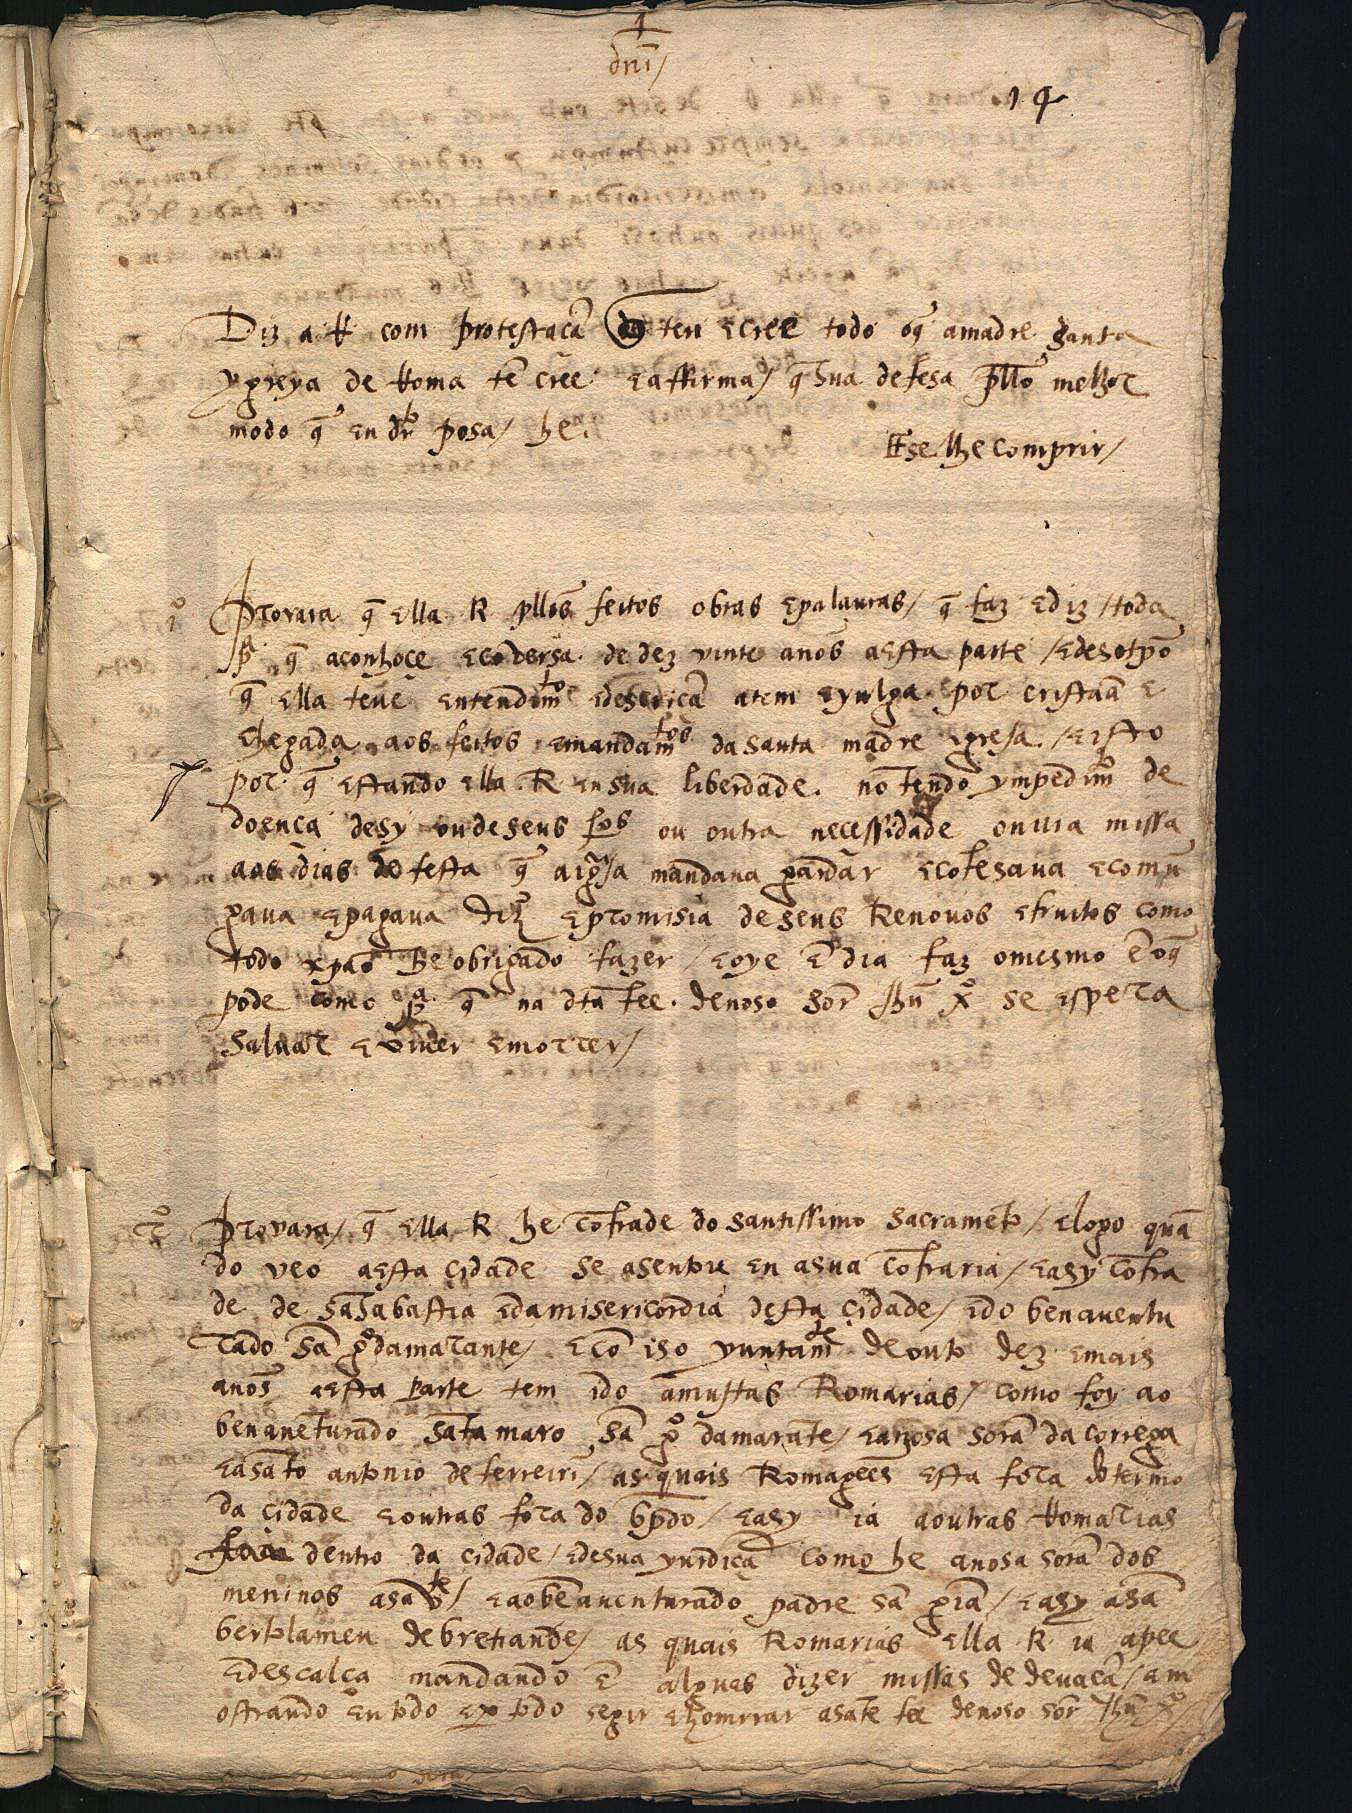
dnī /
Diz a R com protestaçā q̄ ten E cree todo o q̄ a madre Santa
Ygreya de Roma tē cree. E affirma / q̄ sua defesa p̄llo melhor
modo q̄ En drto posa / he.
E se lhe comprir /
Provara q̄ Ella R pllos̄ feitos obras E palauras / q̄ faz E diz / toda
pa q̄ a conhoçe E cōversa. de dez vinte anos a Esta parte / E des o tpō
q̄ Ella teue Entendimto e descriçā a tem E yulga. por cristaā E
chegada aos feitos E mandamtos da santa madre igreja / E isto
por q̄ Estando Ella .R. En sua liberdade. nō tendo ympedimto de
doença de sy ou de seus fos ou outra neçessidade ouuia missa
aos dias de festa q̄ a iḡja mandaua gardar E cōfesaua e comū
gaua E pagaua dizo E promisia de seus Renouos E fruitos como
todo xpão he obrigado fazer / E oye Ē dia faz o mesmo ē o q̄
pode como pa q̄ na dtā fee. de noso Sōr Jhū xo se Espera
Saluar E viuer E morrer /
Provara / q̄ Ella R he c̄ofrade do santissimo Sacramēto / E logo quā
do veo a Esta cidade Se asentou En a sua c̄ofraria / E asy C̄ofra
de de Sā Sabastia E da misericordia desta Çidade / E do ben auentu
rado S̄a go damarante / E c̄o iso yuntamte de outo dez E mais
anōs a Esta parte tem ido a muJtas Romarias / como foy ao
ben auēturado S̄atamaro S̄a go damarāte / E a nosa sorā da correga
E a s̄ato antonio de ferriri| / as quais Romagēes Esta fora do termo
da Çidade E outras fora do b̄pado / E asy ia a outras Romarias
Jaa dentro da çidade / E de sua yurdiçā como he a nosa sorā dos
meninos a sā vte / E ao b̄e auenturado padre sā gīa / E asy a s̄a
bertolmaeu de bretiande / as quais Romarias Ella .R. ia a pee
E descalça mandando Ē alguas dizer missas de deuaçā / am
ostrando En todo E ꝑ todo segir E homrrar a sāte fee de noso sōr Jhū xo
